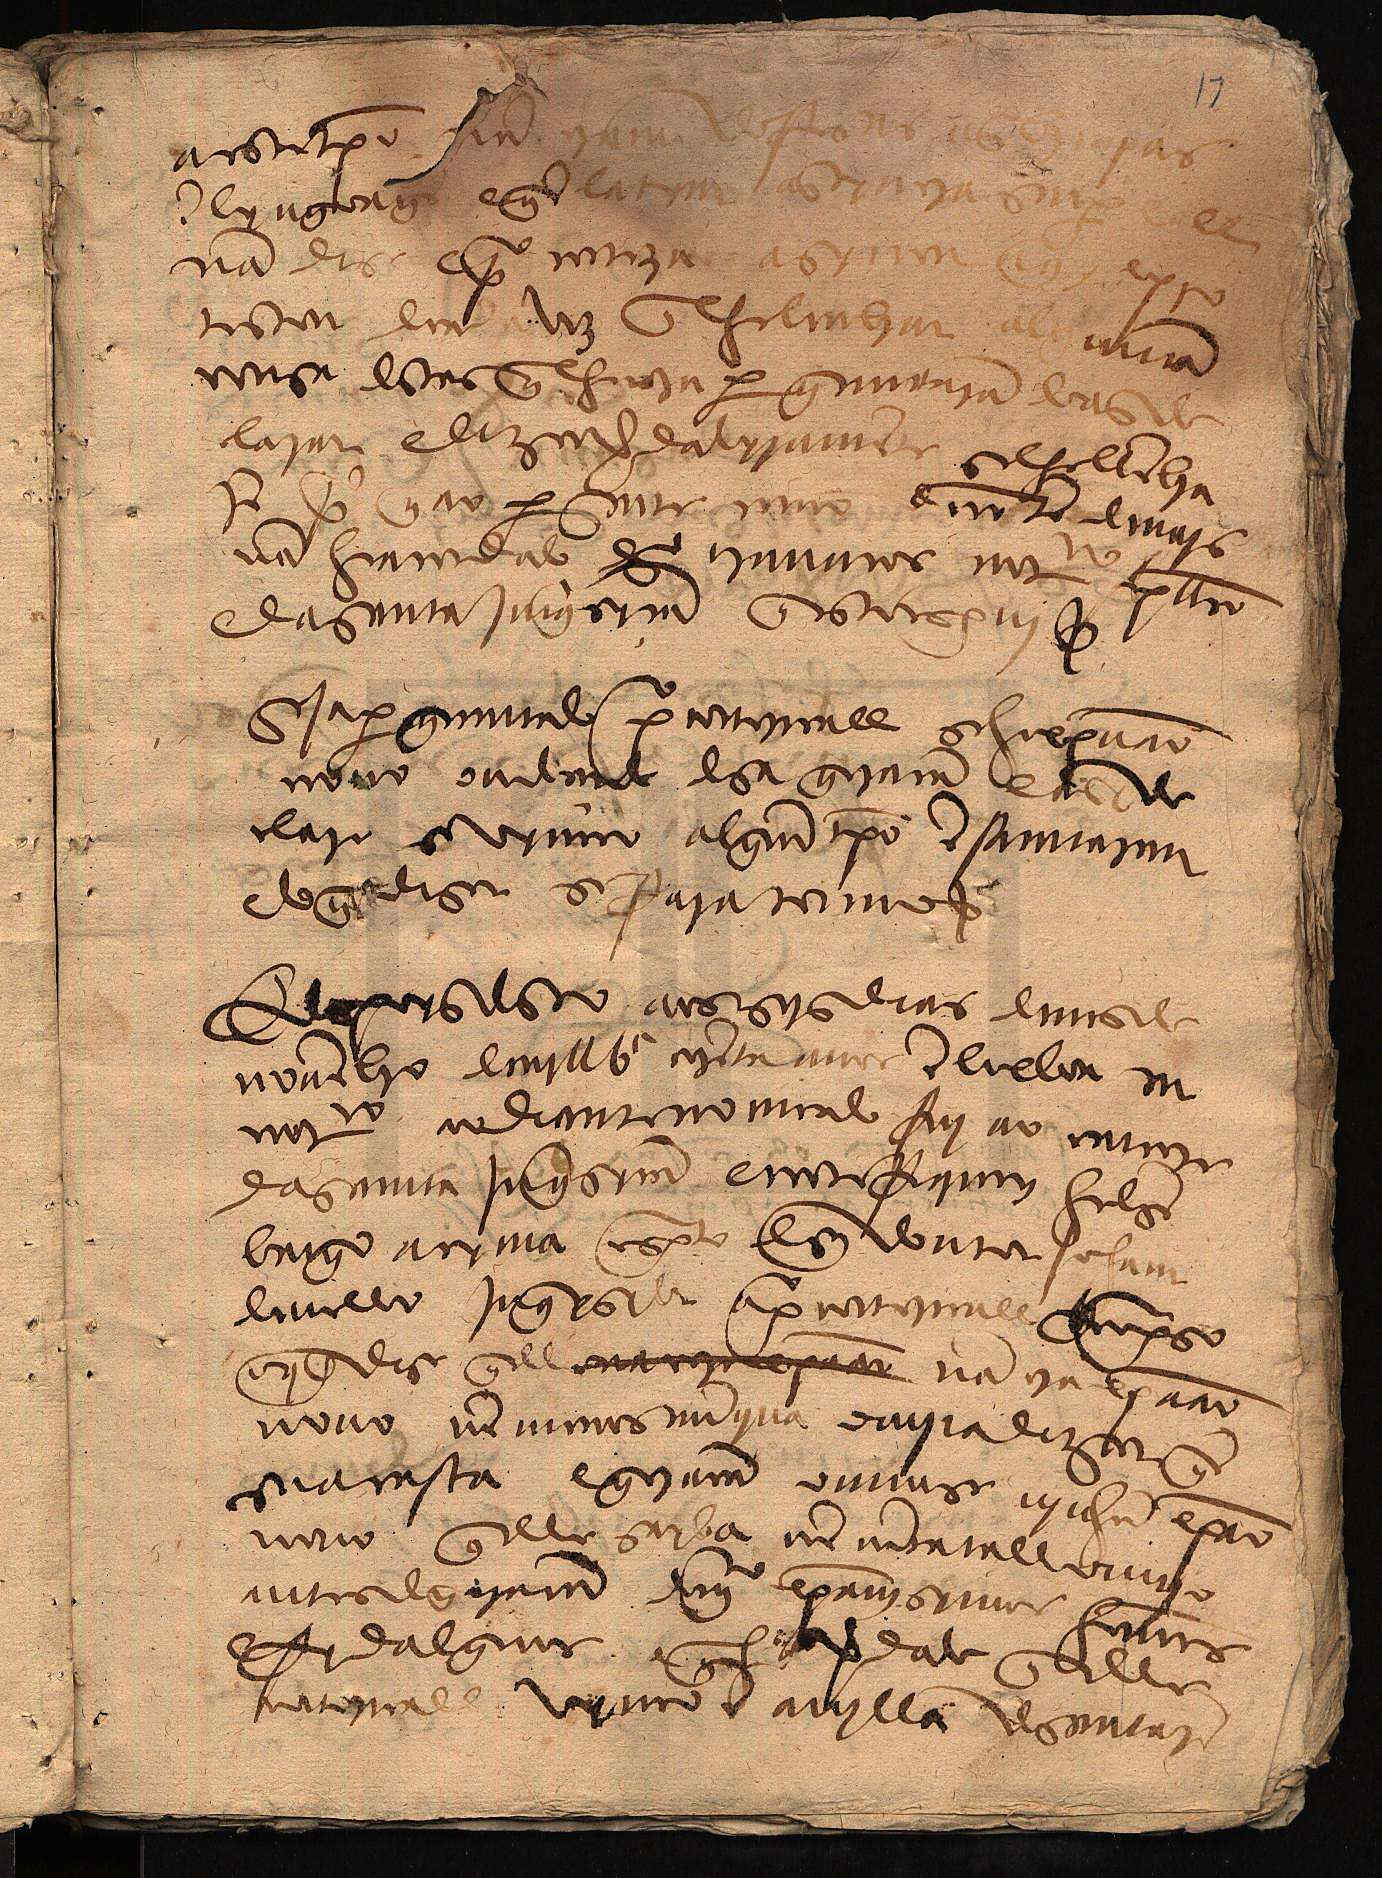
a este t̄po nā eram defesas as briujas
ē lynguoagē e q̄ ē latym as tyuera senꝑ e all
nā dise e p̄o certeza asynou aq̄y e pro
testou de cada vez q̄ lhe lenbrar alguma
cousa destas q̄ lhe ora ꝑgumtarā de as de
clarar e dizer ꝟdadeyramēte se lhe llēbra
rē p̄o q̄ aoo ꝑsente como dito tē de majs
nā he acordado djo trauacos notro ap̄llco
e da santa Jmq̄syçā q̄ esto esp̄uj
SeJa ꝑgumtado p̄o corte rreall se he xpaão
nouo ou deçende desa geracā e asy de
clare se vyueo alguū t̄po ē samtarem
e do q̄ diser se fara termo
E depoys desto aos sejs dias do mes de
nouēbro de mjll bc corēta anos ē lixboa eu
notro ao diante nomeado fuj ao carcere
da samta Jnq̄sycā e notefiquey ho desē
bargo acyma esp̄to do s̄r doutor Joham
de mello Jnq̄sydor a p̄o corte rreall Reo p̄so
o q̄ll dise q̄ elle nacera xpaão nā era xpaão
nouo nē menos nūqua ouujra dizer q̄ ē
sua casta e geracā ouuese njnhū xpão
nouo q̄ elle sayba nē nūca tall ouujo
antes de geracā de mto x̄panjsymos hom̄es
e fydalguos e q̄ he ꝟdade q̄ elle
corte rreall vyueo ē a ujlla de samtarē
